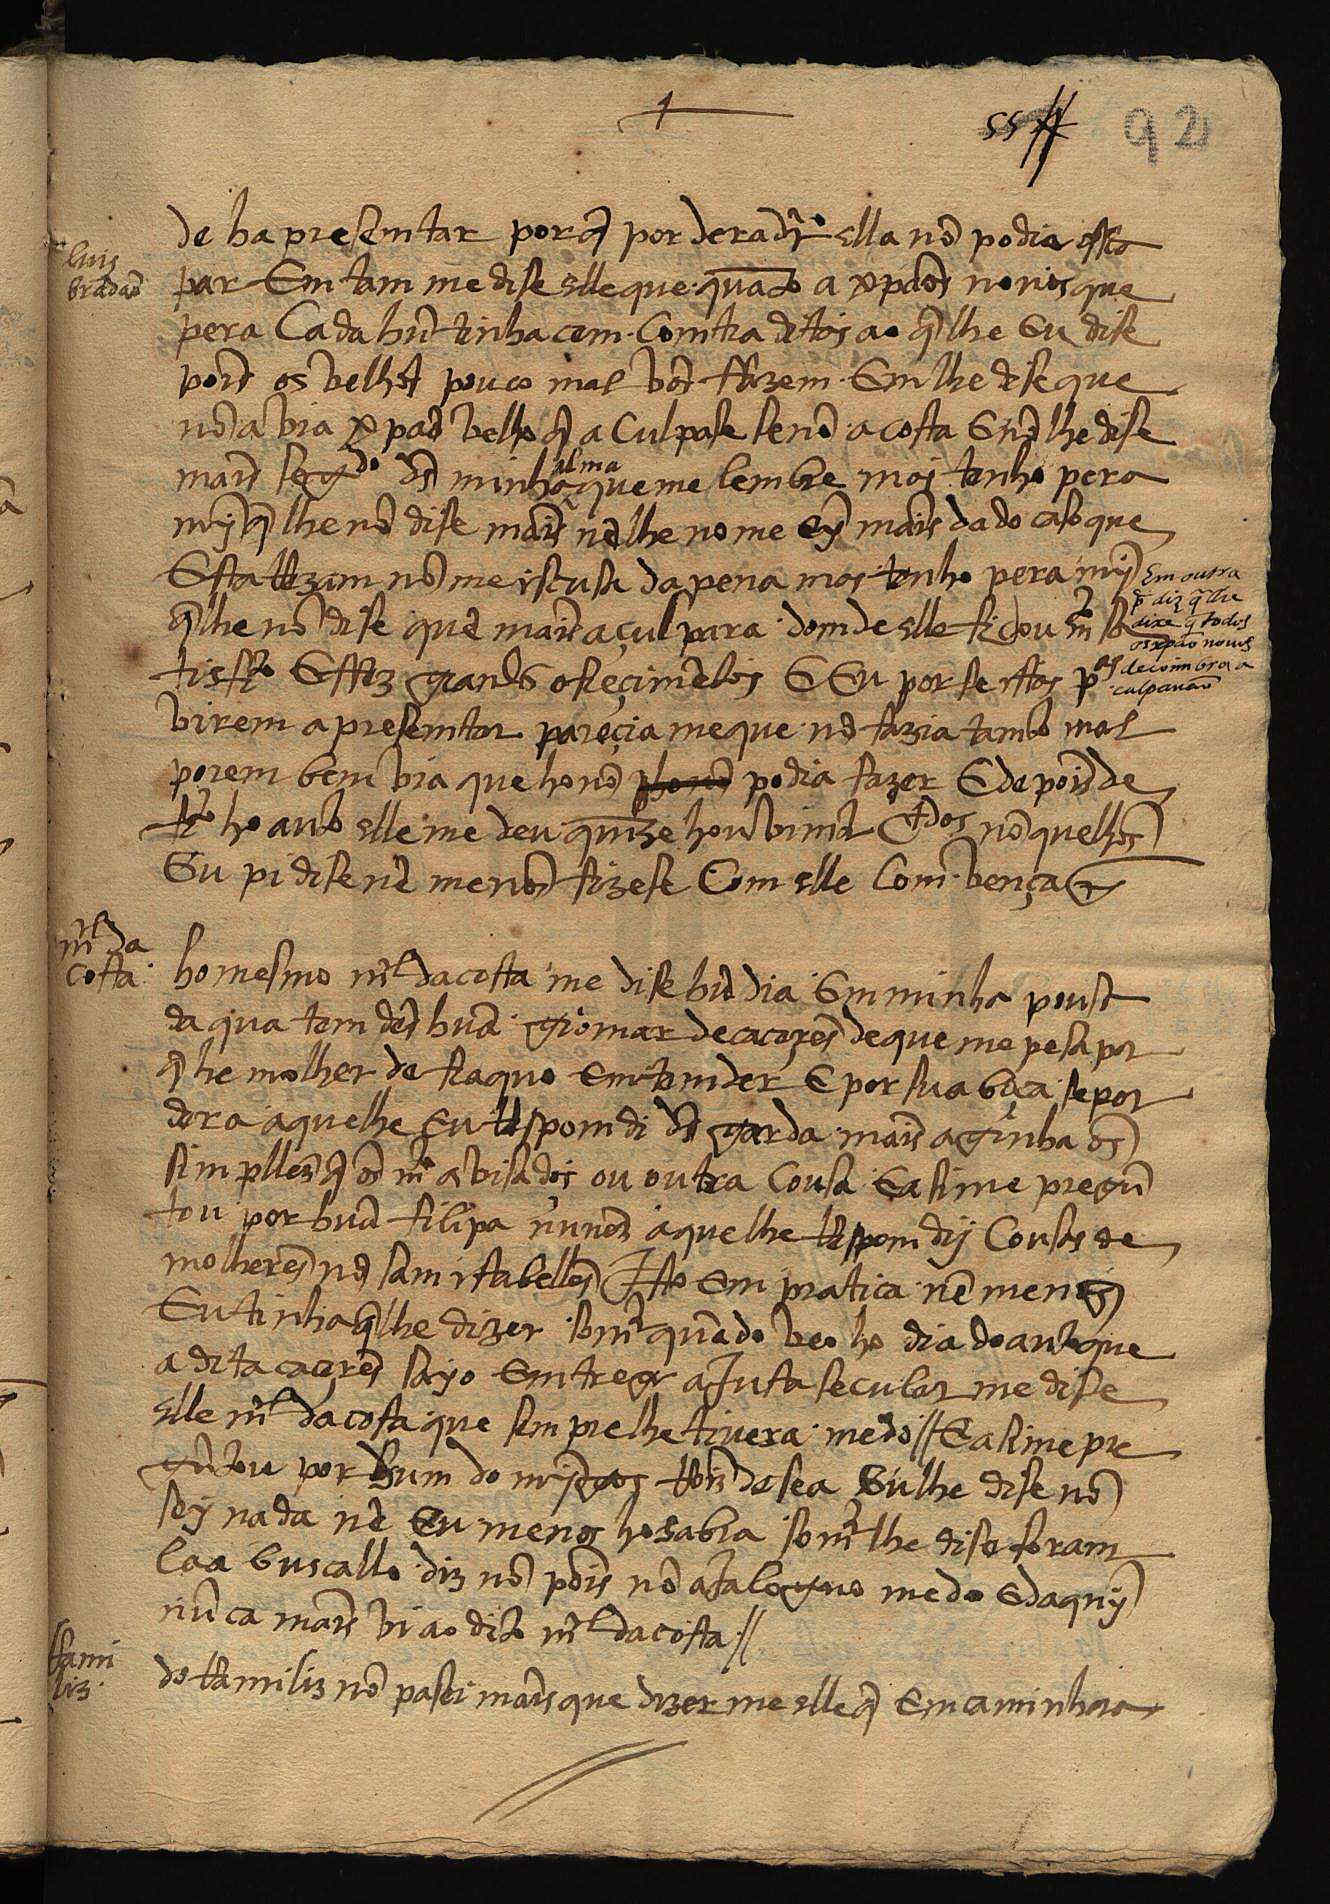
Rami
liz.
luis
brādaõ
mel da
costa
de ha presemtar porq̄ por deradrro Ella nō podia esca
par Emtam me dise Elle que quāto a xpaõs nouos que
pera Cada hū tinha cem Comtraditas ao q̄ lhe Eu dise
pois os velhos pouco mal vos fazem. Em lhe dise que
nō avia xpaõ velho q̄ a Culpase senō a costa E nō lhe dise
mais segdo ds̄ minha
alma
que me lembre mas tenho pera
mȳ q̄ lhe nō dise mais nē lhe nomeey mais dado caso que
Esta Rezam nō me escusa da pena mas tenho pera mȳ
Em outra
pe diz q̄ lhe
dixe q̄ todos
os xpão nouos
de coimbra a
culpauaõ
q̄ lhe nō dise quē mais a culpara domde Elle ficou mto sa
tisfcto E ffez grandes ofreçimētos E Eu por se estas pas.
virem apresemtar pareçia me que nō fazia tamto mal
porem bem via que ho nō herão podia fazer E depois de
fcto ho auto Elle me deu quīze hou vimte Ctdos nō que lhos
Eu pidise nē menos fizese Com Elle Comvença c̄ꝭ
ho mesmo mel da costa me dise hū dia Em minha pousa
da qua temdes huā giomar de caçares̄ de que me pesa por
q̄ he molher de fraquo Emtemder E por sua boca se per
dera a que lhe Eu Respomdi ds̄ garda mais aginha os
simplles q̄ os mto avisados ou outra Cousa E asi me pregū
tou por huā filipa nunez̄ a que lhe Repomdij Cousas de
molheres nō sam estabelles Jsto em pratica nē menos
Eu tinha q̄ lhe dizer somte quādo veo ho dia do auto que
a dita caceres sayo Emtrege a Justa secular me dise
Elle mel da costa que sempre lhe tiuera medo // E asi me pre
gūtou por hum domȳgos Roiz̄ de sea Eu lhe dise nō
sey nada nē Eu menos ho sabia somte lhe dise foram
laa buscallo diz nō pois nō aJa loguo medo E daquy
nūca mais vi ao dito mel da costa. //
do Ramiliz nō pasei mais que dizer me Elle q̄ Emcaminhara
